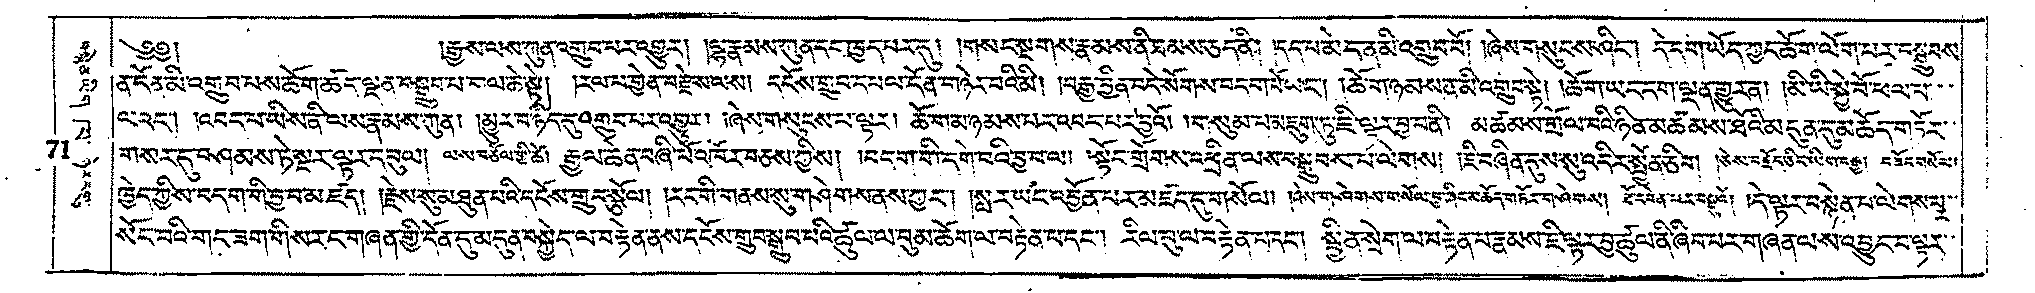༄༅། །རྒྱས་ལས་ཀུན་འགྲུབ་པར་འགྱུར། །ལྷ་རྣམས་ཀུན་དང་ཁྱད་པར་དུ། །གསང་སྔགས་རྣམས་ནི་ཐམས་ཅད་ནི། །དད་པ་མེད་ན་མི་འགྲུབ་བོ། །ཞེས་གསུངས་ཤིང་། དེ་དག་ཡོད་ཀྱང་ཆོ་ག་ལོག་པར་བསྒྲུབས་
ན་དོན་མི་འགྲུབ་པས་ཆོ་ག་ཚད་ལྡན་བསྒྲུབ་པ་གལ་ཆེ་སྟེ། །རལ་པ་གྱེན་བརྫེས་ལས། དངོས་གྲུབ་དཔལ་དོན་གཉེར་བའི་མི། །བརྒྱ་བྱིན་བདེ་སོགས་བདག་པོ་ཡང་། །ཆོ་ག་ཉམས་ན་མི་འགྲུབ་སྟེ། །ཆོ་ག་ཡང་དག་ལྡན་གྱུར་ན། །མི་ཡི་སྐྱེ་བོ་ཕལ་པ་་་
ལའང་། །འབད་པ་ཡིས་ནི་ལས་རྣམས་ཀུན། །མྱུར་བ་ཉིད་དུ་འགྲུབ་པར་འགྱུར། །ཞེས་གསུངས་པ་ལྟར། ཆོ་ག་མ་ཉམས་པར་འབད་པར་བྱའོ། །གསུམ་པ་མཇུག་ཏུ་ཇི་ལྟར་བྱ་བ་ནི། མཚམས་གྲོལ་བའི་ཉིན་མཚམས་ཐོའི་མདུན་དུ་མཆོད་གཏོར་་་
གསར་དུ་བཤམས་ཏེ་སྔར་ལྟར་དབུལ། ལས་བཅོལ་གྱི་ཚེ།  རྒྱལ་ཆེན་བཞི་པོ་འཁོར་བཅས་ཀྱིས། །བདག་གི་དགེ་བའི་བྱ་བ་ལ། །སྟོང་གྲོགས་འཕྲིན་ལས་བསྒྲུབས་པ་ལེགས། །ཇི་བཞིན་དུས་སུ་འདིར་སྤྱོན་ཅིག་།ཅེས་བརྗོད་ཅིང་ཡིག་བརྒྱ། བཟོད་གསོལ།
ཁྱེད་ཀྱིས་བདག་གི་བྱ་བ་མཛད། །རྗེས་སུ་མཐུན་པའི་དངོས་གྲུབ་སྩོལ། །རང་གི་གནས་སུ་གཤེགས་ནས་ཀྱང་། །སླར་ཡང་འབྱོན་པར་མཛད་དུ་གསོལ། །ཞེས་གཤེགས་གསོལ་བྱ་ཞིང་མཆོད་གཏོར་གཤེགས། ཐོ་དབེན་པར་བསྡུའོ།  །དེ་ལྟར་བསྙེན་པ་ལེགས་པར་་་
སོང་བའི་གང་ཟག་གིས་རང་གཞན་གྱི་དོན་དུ་མདུན་བསྐྱེད་ལ་བརྟེན་ནས་དངོས་གྲུབ་སྒྲུབ་པའི་ཚུལ་ལ་བུམ་ཆོག་ལ་བརྟེན་པ་དང་། རིལ་བུ་ལ་བརྟེན་པ་དང་། སྦྱིན་སྲེག་ལ་བརྟེན་པ་རྣམས་ཇི་ལྟར་བྱ་ཚུལ་ནི་ཞིབ་པར་གཞན་ལས་འབྱུང་བ་ལྟར་་་